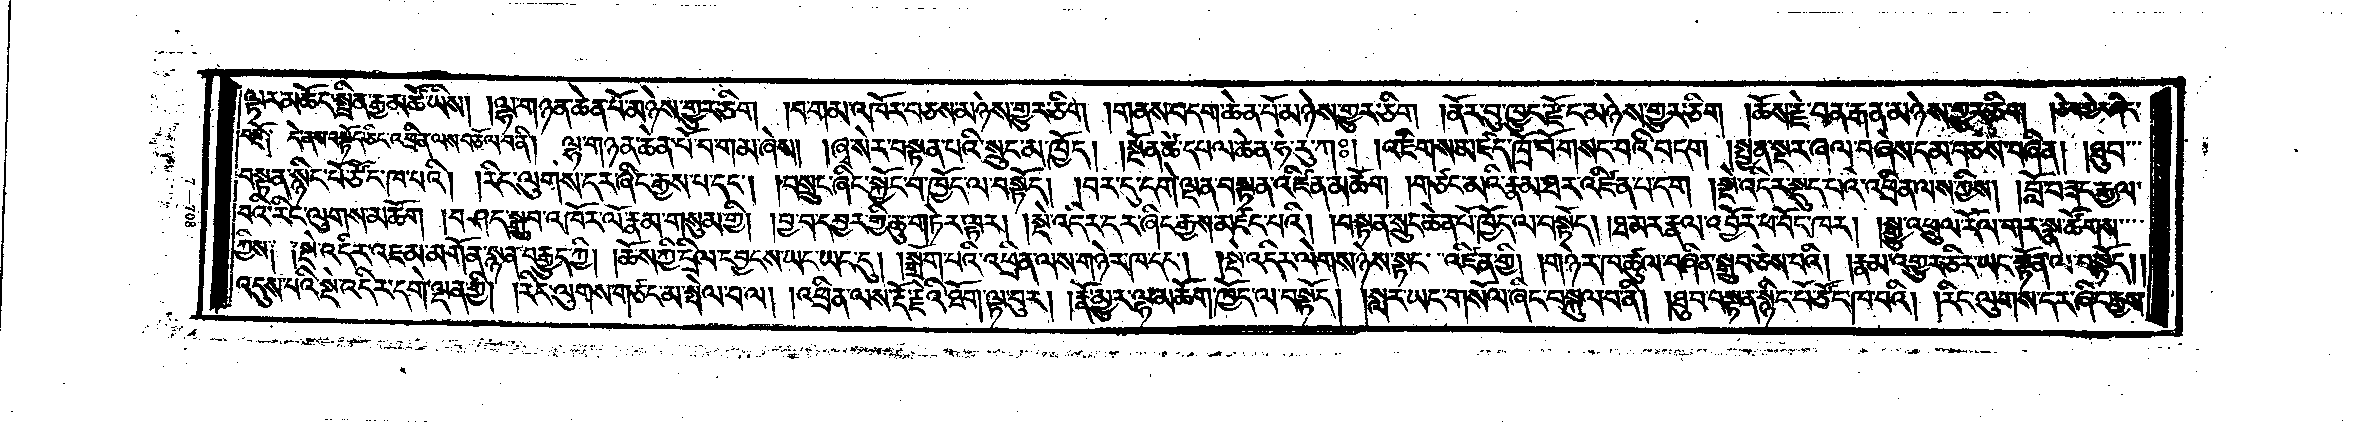ལྟར་མཆོད་སྤྲིན་རྒྱ་མཚོ་ཡིས། །ལྷ་གཉན་ཆེན་པོ་མཉེས་གྱུར་ཅིག །བ་གམ་འཁོར་བཅས་མཉེས་གྱུར་ཅིག །གནས་བདག་ཆེན་པོ་མཉེས་གྱུར་ཅིག །ནོར་བུ་ཁྱུང་རྫོང་མཉེས་གྱུར་ཅིག །ཆོས་རྗེ་བན་རྒན་མཉེས་གྱུར་ཅིག །ཅེས་གྱེར་ཞིང་
བསྔོ༑ དེ་ནས་བསྟོད་ཅིང་འཕྲིན་ལས་བཅོལ་བ་ནི། །ལྷ་གཉན་ཆེན་པོ་བ་གམ་ཞེས། །ཞྭ་སེར་བསྟན་པའི་སྲུང་མ་ཁྱོད། །སྔོན་ཚེ་དཔལ་ཆེན་ཧེ་རུ་ཀཿ། །འཇིགས་མཛད་ཁྲོ་བོ་གསང་བའི་བདག །སྤྱན་སྔར་ཞལ་བཞེས་དམ་བཅས་བཞིན། །ཐུབ་
བསྟན་སྙིང་པོ་ཙོང་ཁ་བའི། །རིང་ལུགས་དར་ཞིང་རྒྱས་པ་དང་། །བསྲུང་ཞིང་སྐྱོང་བ་ཁྱོད་ལ་བསྟོད། །བར་དུ་དགེ་ལྡན་བསྟན་འཛིན་མཆོག །གཙང་མའི་རྣམ་ཐར་འཛིན་པ་དག །སྡེ་འདིར་སྡུད་པའི་འཕྲིན་ལས་ཀྱིས། །བློ་བཟང་རྒྱལ་
བའི་རིང་ལུགས་མཆོག །བཤད་སྒྲུབ་འཁོར་ལོ་རྣམ་གསུམ་གྱི། །བྱ་བ་དབྱར་གྱི་ཆུ་གཏེར་ལྟར། །སྡེ་འདིར་དར་ཞིང་རྒྱས་མཛད་པའི། །བསྟན་སྲུང་ཆེན་པོ་ཁྱོད་ལ་བསྟོད། །ཐ་མར་རྣལ་འབྱོར་ཕ་བོང་ཁར། །སྒྱུ་འཕྲུལ་རོལ་གར་སྣ་ཚོགས་
ཀྱིས༑ ༑སྡེ་འདིར་འཇམ་མགོན་སྙན་བརྒྱུད་ཀྱི། །ཆོས་ཀྱི་དྲིལ་དབྱངས་ཡང་ཡང་དུ། །སྒྲོག་པའི་འཕྲིན་ལས་གཉེར་ཁ་དང་། །སྡེ་འདིར་ལེགས་ཉེས་སྟང་འཛིན་གྱི། །གཉེར་ཁ་ཚུལ་བཞིན་སྒྲུབ་ཅེས་པའི། །རྣམ་འགྱུར་ཅིར་ཡང་སྟོན་ལ་བསྟོད།།
འདུས་པའི་སྡེ་འདིར་དགེ་ལྡན་གྱི། །རིང་ལུགས་གཙང་མ་སྤེལ་བ་ལ། །འཕྲིན་ལས་རྡོ་རྗེའི་ཐོག་ལྟ་བུར། །རྣོ་མྱུར་ལྷ་མཆོག་ཁྱོད་ལ་བསྟོད། །སླར་ཡང་གསོལ་ཞིང་བསྐུལ་བ་ནི། །ཐུབ་བསྟན་སྙིང་པོ་ཙོང་ཁ་བའི། །རིང་ལུགས་དར་ཞིང་རྒྱས་